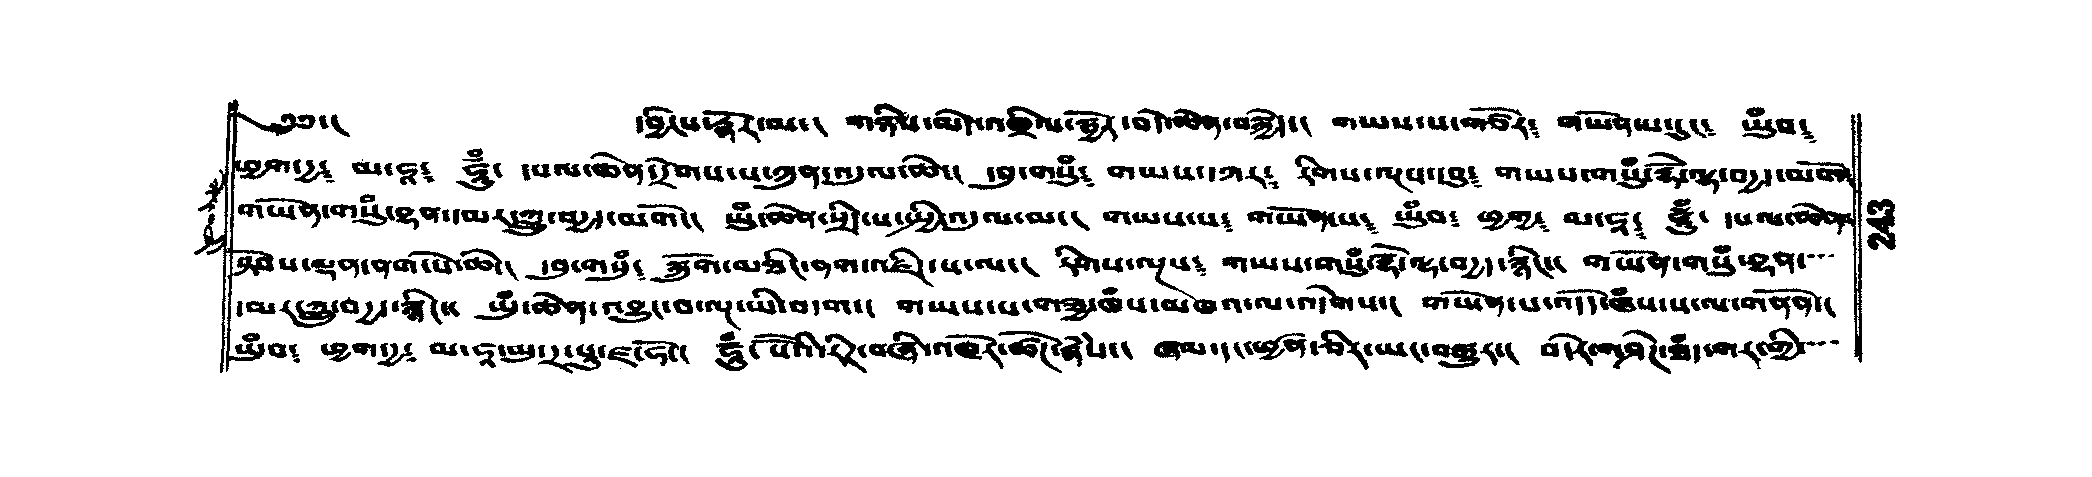དབྱིངས་རྣལ་འབྱོར་མ། །གཉིས་མེད་འཁྲིལ་སྦྱོར་བདེ་ཆེན་བསྐྱེད། །གཡས་པ་དུང་༴ཡབ་ཡུམ་
ཕྱག་རྒྱ་༴ མ་ཧཱ་༴ ཧཱུྃ། དཔལ་ཆེན་དྲེགས་པ་ཀུན་འདུལ་ཆེ། །དབུ་གསུམ་༴ གཡས་དཀར་༴ རིགས་ལྔས་དབུ་༴ གཡས་གསུམ་རྡོ་རྗེ་ལྷ་བརྒྱད་མགོ་
གཡོན་གསུམ་བྷན་དམར་ཀླུ་བརྒྱད་མགོ་ཡུམ་ཆེན་སྲིད་པ་སྤྱི་འདུལ་མ། །གཡས་པ་༴ གཡོན་པ་༴ ཡབ་ཡུམ་༴ ཕྱག་རྒྱ་༴ མ་ཧཱ་༴ ཧཱུྃ། དཔལ་ཆེན་
སྟོབས་ལྡན་ནག་པོ་ཆེ། །དབུ་གསུམ་༴ སྐུ་མདོག་མཐིང་ནག་འཇིགས་པ་ལ་༴ རིགས་ལྔས་༴ གཡས་གསུམ་རྡོ་རྗེ་ལྷ་བརྒྱད་སྙིང་། །གཡོན་གསུམ་བྷན་
དམར་ཀླུ་བརྒྱད་སྙིང་། །ཡུམ་ཆེན་འབྱུང་བ་ལྔ་ཡི་བདག་གཡས་པ་གཟུགས་ཁམས་མཁའ་ལ་འདེགས། །གཡོན་པ་འདོད་ཁམས་ས་ལ་གནོན། །
ཡབ་ཡུམ་༴ ཕྱག་རྒྱ་༴ མ་ཧཱ་མུ་དྲ་པཱུ་ཛ་ཧོ། ཧཱུྃ། སོ་སོའི་རིགས་བཞི་འཁོར་ཚོགས་རྣམས། །ཞལ་དང་ཕྱག་མཚན་ཅིར་ཡང་བསྒྱུར། །བདེར་གཤེགས་ཐམས་ཅད་གར་གྱི་